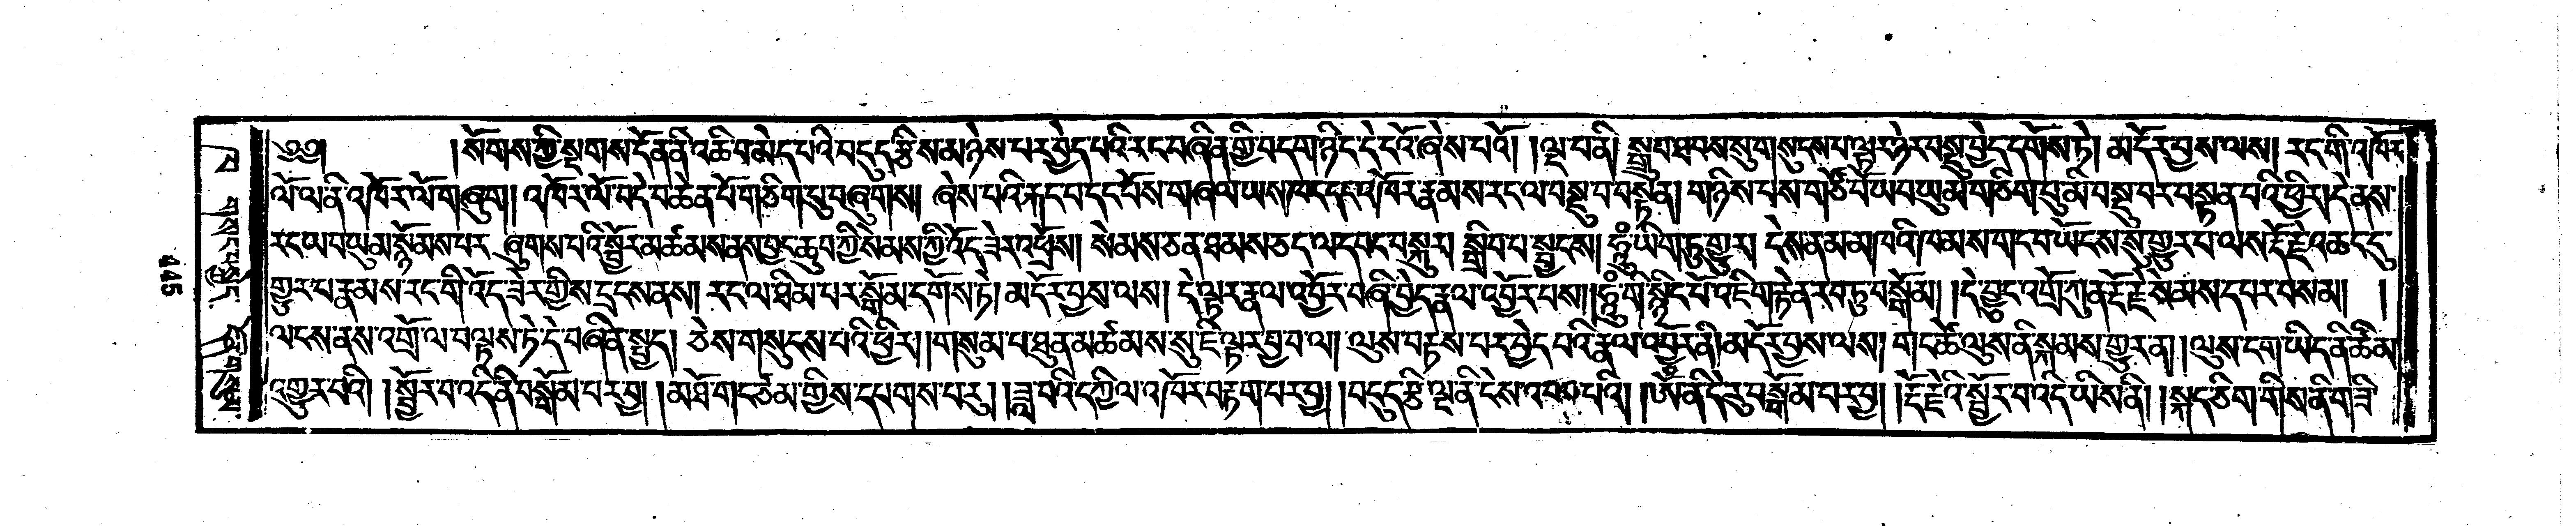༄༅། །སོགས་ཀྱི་སྔགས་དོན་ནི་འཆི་བ་མེད་པའི་བདུད་རྩིས་མཉེས་པར་བྱེད་པའི་རང་བཞིན་གྱི་བདག་ཉིད་དེ་ངའོ་ཞེས་པའོ། །ལྔ་པ་ནི། སྒྲུབ་ཐབས་སུ་གསུངས་པ་ལྟར་ཉེར་བསྡུ་བྱེད་དགོས་ཏེ། མདོར་བྱས་ལས། རང་གི་འཁོར་
ལོ་ལ་ནི་འཁོར་ལོ་གཞུག །འཁོར་ལོ་བདེ་བ་ཆེན་པོ་གཅིག་པུ་བཞུགས། ཞེས་པའི་རྐང་པ་དང་པོས་གཞལ་ཡས་ཁང་དང་འཁོར་རྣམས་རང་ལ་བསྡུ་བ་བསྟན། གཉིས་པས་གཙོ་བོ་ཡབ་ཡུམ་གཅིག་པུ་མི་བསྡུ་བར་བསྟན་པའི་ཕྱིར། དེ་ནས་
རང་ཡབ་ཡུམ་སྙོམས་པར་ཞུགས་པའི་སྦྱོར་མཚམས་ནས་བྱང་ཆུབ་ཀྱི་སེམས་ཀྱི་འོད་ཟེར་འཕྲོས། སེམས་ཅན་ཐམས་ཅད་ལ་དབང་བསྐུར། སྒྲིབ་པ་སྦྱངས། ཧཱུཾ་ཡིག་ཏུ་གྱུར། དེས་ནམ་མཁའི་ཁམས་གང་བ་ཡོངས་སུ་གྱུར་པ་ལས་རྡོ་རྗེ་འཆང་དུ་
གྱུར་པ་རྣམས་རང་གི་འོད་ཟེར་གྱིས་བྲངས་ནས། རང་ལ་ཐིམ་པར་སྒོམ་དགོས་ཏེ། །མདོར་བྱས་ལས། དེ་ལྟར་རྣལ་འབྱོར་བཞི་བྱེད་རྣལ་འབྱོར་པས། །ཧཱུཾ་གི་སྙིང་པོ་འཇིག་རྟེན་རབ་ཏུ་བསྒོམ། །དེ་བྱུང་འགྲོ་ཀུན་རྡོ་རྗེ་སེམས་དཔར་བསམ། །
ལངས་ནས་འགྲོ་ལ་བལྟས་ཏེ་དེ་བཞིན་སྦྱར། ཅེས་གསུངས་པའི་ཕྱིར། །གསུམ་པ་ཐུན་མཚམས་སུ་ཇི་ལྟར་བྱ་བ་ལ། ལུས་བརྟས་པར་བྱེད་པའི་རྣལ་འབྱོར་ནི། མདོར་བྱས་ལས། གང་ཚེ་ལུས་ནི་སྐམས་གྱུར་ན། །ལུས་ངག་ཡིད་ནི་ཚིམ་
འགྱུར་བའི། །སྦྱོར་བ་འདི་ནི་བསྒོམ་པར་བྱ། །མཐོ་གང་ཙམ་གྱིས་དཔགས་པ་རུ། །ཟླ་བའི་དཀྱིལ་འཁོར་བརྟག་པར་བྱ། །བདུད་རྩི་ལྔ་ནི་ངེས་འབབ་པའི། །ཨོཾ་ནི་དེ་རུ་བསྒོམ་པར་བྱ། །རྡོ་རྗེའི་སྦྱོར་བ་འདི་ཡིས་ནི། །སྐད་ཅིག་གིས་ནི་གཟི་